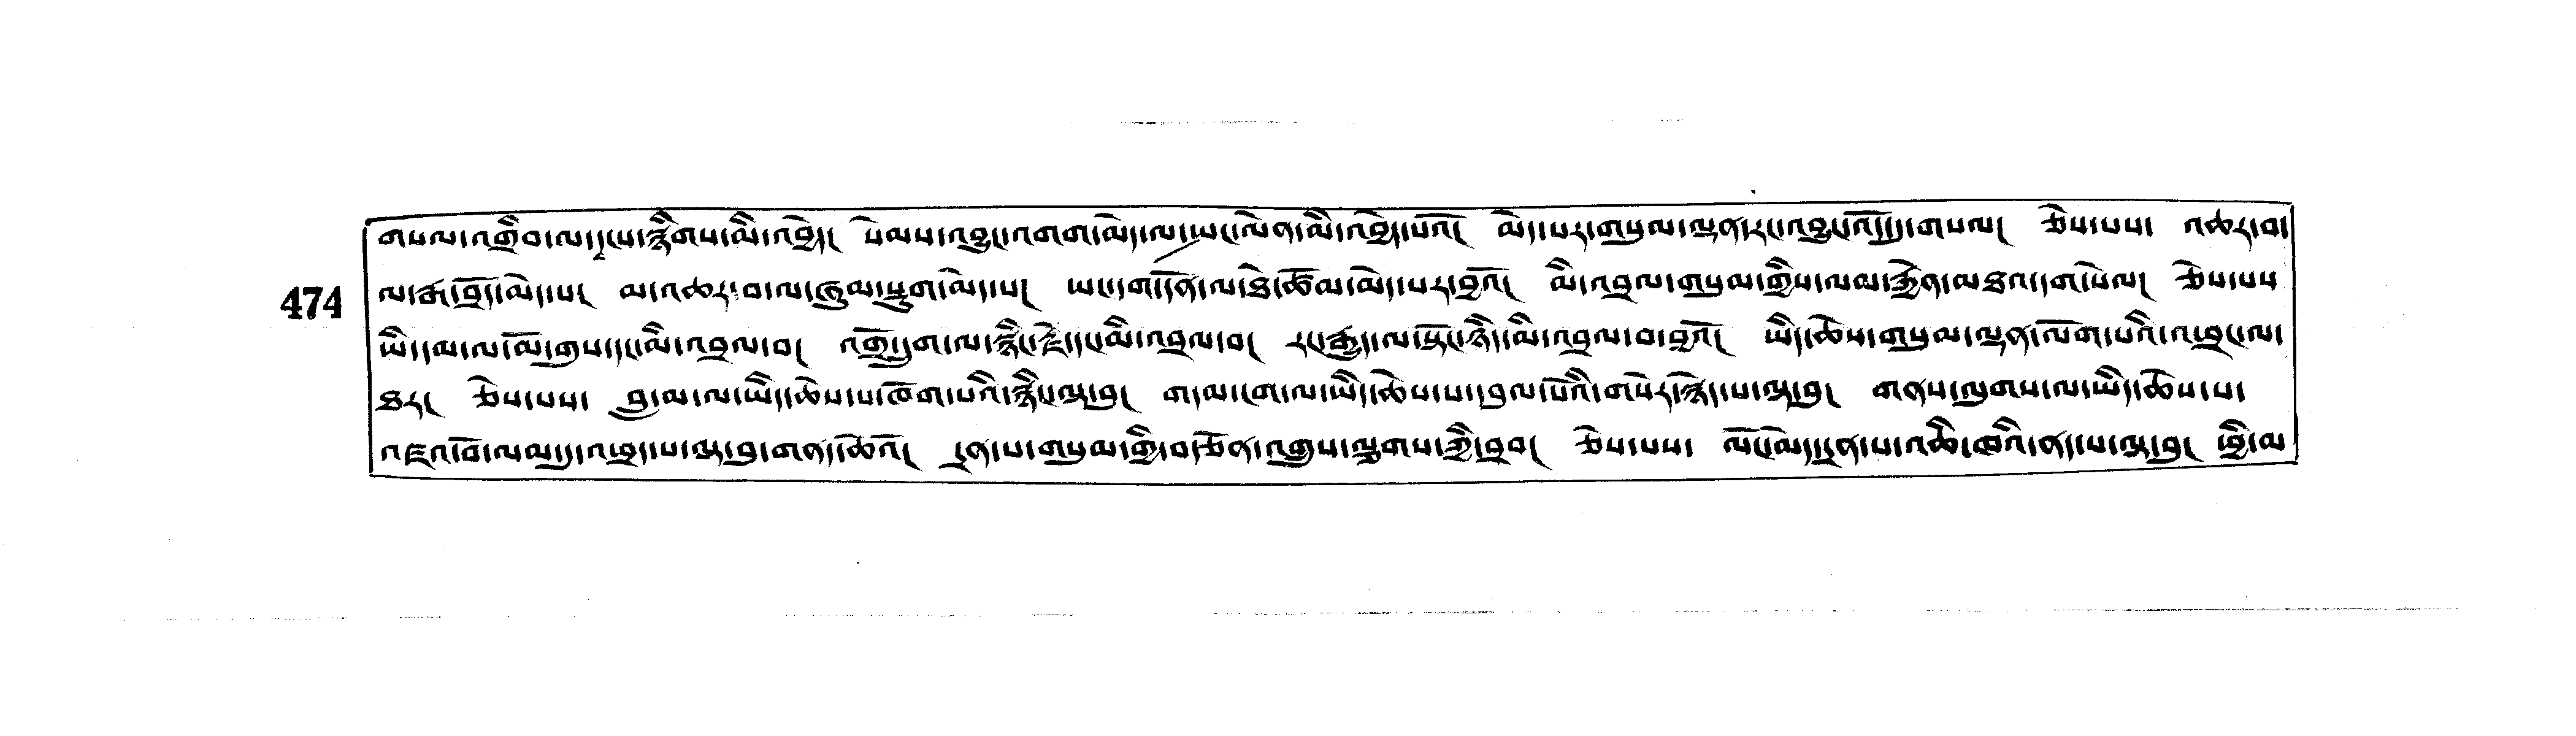གསལ་འགྲིབ་ལ་དྭངས་སྙིགས་མི་འབྱེད། སེམས་འབྱུང་འགག་མེད་ལ་སྤང་ལེན་མི་འབྱེད་པའོ། མེད་པ་གསུམ་ལྡན་རང་འབྱུང་འོད་དུ་གསལ། ཅེས་པས། འཆར་བ་
ལ་དགའ་བྲོད་མེད་པ། མ་འཆར་བ་ལ་ཞུམས་སྡུག་མེད་པ། ཡང་དག་དོན་ལ་ཐེ་ཚོམ་མེད་པར་བྱའོ། མི་འབྲལ་གསུམ་གྱིས་ལམ་རྐྱེན་མཐའ་དག་སེལ། 
ཅེས་པས། ཡི་དམ་ལ་མོས་གུས་དང་མི་འབྲལ་བ། འགྲོ་དྲུག་ལ་སྙིང་རྗེ་དང་མི་འབྲལ་བ། རང་རྒྱུད་ལ་སྟོང་ཉིད་མི་འབྲལ་བ་བྱའོ། ཡིད་ཆེས་གསུམ་ལྡན་ལོག་པའི་འཕྲང་ལས་
ཐར། ཅེས་པས། བླ་མ་ལ་ཡིད་ཆེས་པ་ཁོག་པའི་སྙིང་ལྟ་བུ། གདམ་ངག་ལ་ཡིད་ཆེས་པ་དབུལ་པོས་གསེར་རྙེད་པ་ལྟ་བུ། གནས་ལུགས་ལ་ཡིད་ཆེས་པ་
འཛའ་བོ་ལམ་དུ་འཕྲད་པ་ལྟ་བུ་གནད་ཆེའོ། དྲན་པ་གསུམ་གྱི་བརྩོན་འགྲུས་ལྕག་གིས་བྲབ། ཅེས་པས། ལོང་མེད་དྲན་པ་འཆི་ཁའི་ནད་པ་ལྟ་བུ། ཕྱི་མ་